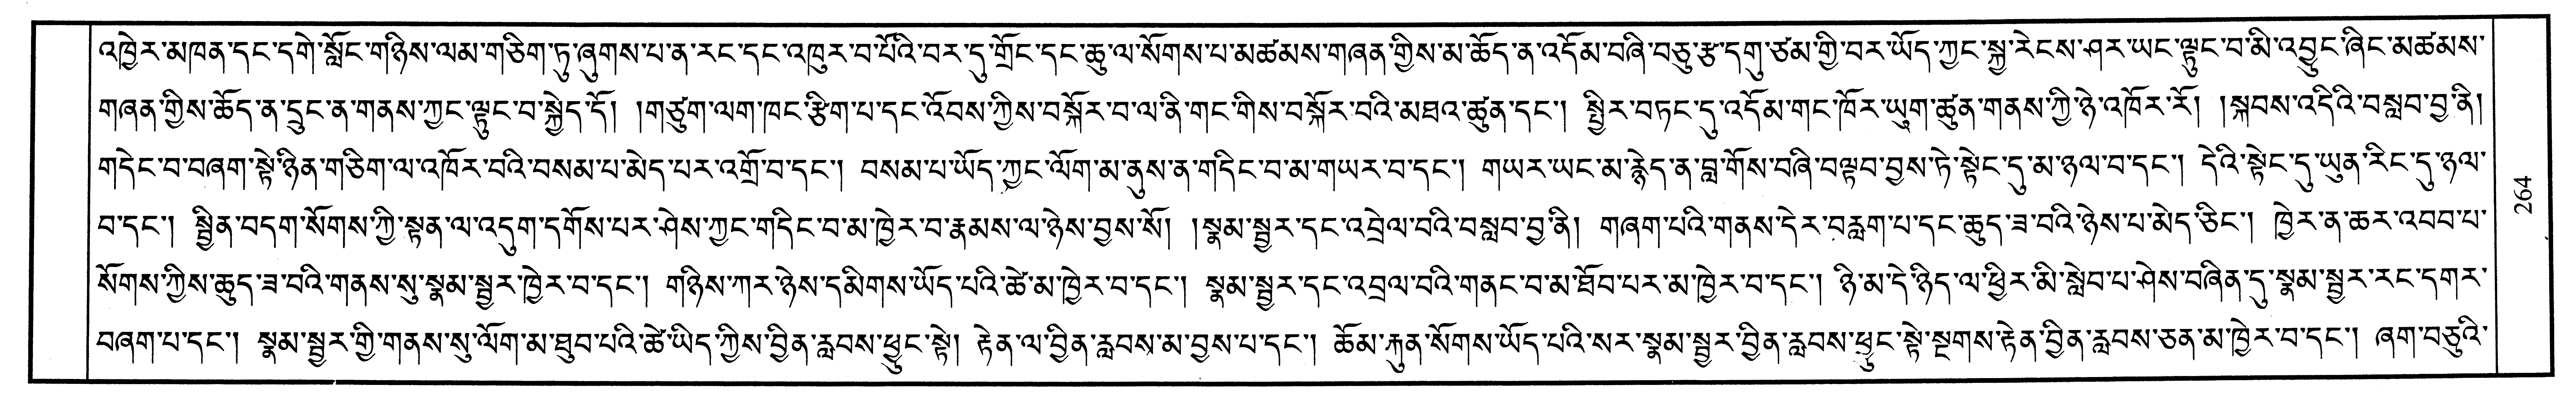འཁྱེར་མཁན་དང་དགེ་སློང་གཉིས་ལམ་གཅིག་ཏུ་ཞུགས་པ་ན་རང་དང་འཁུར་བ་པོའི་བར་དུ་གྲོང་དང་ཆུ་ལ་སོགས་པ་མཚམས་གཞན་གྱིས་མ་ཆོད་ན་འདོམ་བཞི་བཅུ་རྩ་དགུ་ཙམ་གྱི་བར་ཡོད་ཀྱང་སྐྱ་རེངས་ཤར་ཡང་ལྟུང་བ་མི་འབྱུང་ཞིང་མཚམས་
གཞན་གྱིས་ཆོད་ན་དྲུག་ན་གནས་ཀྱང་ལྟུང་བ་སྐྱེད་དོ། །གཙུག་ལག་ཁང་རྩིག་པ་དང་འོབས་ཀྱིས་བསྐོར་བ་ལ་གང་གིས་བསྐོར་བའི་མཐའ་ཚུན་དང་། སྤྱིར་བཏང་དུ་འདོམ་གང་ཁོར་ཡུག་ཚུན་གནས་ཀྱི་ཉེ་འཁོར་རོ། །སྐབས་འདིའི་བསླབ་བྱ་ནི།
གདེང་བ་བཞག་སྟེ་ཉིན་གཅིག་ལ་འཁོར་བའི་བསམ་པ་མེད་པར་འགྲོ་བ་དང་། བསམ་པ་ཡོད་ཀྱང་ལོག་མ་ནུས་ན་གདིང་བ་མ་གཡར་བ་དང་། གཡར་ཡང་མ་རྙེད་ན་བླ་གོས་བཞི་བལྟབ་བྱས་ཏེ་སྟེང་དུ་མ་ཉལ་བ་དང་། དེའི་སྟེང་དུ་ཡུན་རིང་དུ་ཉལ་
བ་དང་། སྦྱིན་བདག་སོགས་ཀྱི་སྟན་ལ་འདུག་དགོས་པར་ཤེས་ཀྱང་གདིང་བ་མ་ཁྱེར་བ་རྣམས་ལ་ཉེས་བྱས་སོ། །སྣམ་སྦྱར་དང་འབྲེལ་བའི་བསླབ་བྱ་ནི། གཞག་པའི་གནས་དེར་བརླག་པ་དང་ཆུད་ཟ་བའི་ཉེས་པ་མེད་ཅིང་། ཁྱེར་ན་ཆར་འབབ་པ་
སོགས་ཀྱིས་ཆུད་ཟ་བའི་གནས་སུ་སྣམ་སྦྱར་ཁྱེར་བ་དང་། གཉིས་ཀར་ཉེས་དམིགས་ཡོད་པའི་ཚེ་མ་ཁྱེར་བ་དང་། སྣམ་སྦྱར་དང་འབྲལ་བའི་གནང་བ་མ་ཐོབ་པར་མ་ཁྱེར་བ་དང་། ཉི་མ་དེ་ཉིད་ལ་ཕྱིར་མི་སླེབ་པ་ཤེས་བཞིན་དུ་སྣམ་སྦྱར་རང་དགར་
བཞག་པ་དང་། སྣམ་སྦྱར་གྱི་གནས་སུ་ལོག་མ་ཐུབ་པའི་ཚེ་ཡིད་ཀྱིས་བྱིན་རླབས་ཕྱུང་སྟེ། རྟེན་ལ་བྱིན་རླབས་མ་བྱས་པ་དང་། ཆོམ་རྐུན་སོགས་ཡོད་པའི་སར་སྣམ་སྦྱར་བྱིན་རླབས་ཕྱུང་སྟེ་སྔགས་རྟེན་བྱིན་རླབས་ཅན་མ་ཁྱེར་བ་དང་། ཞག་བཅུའི་